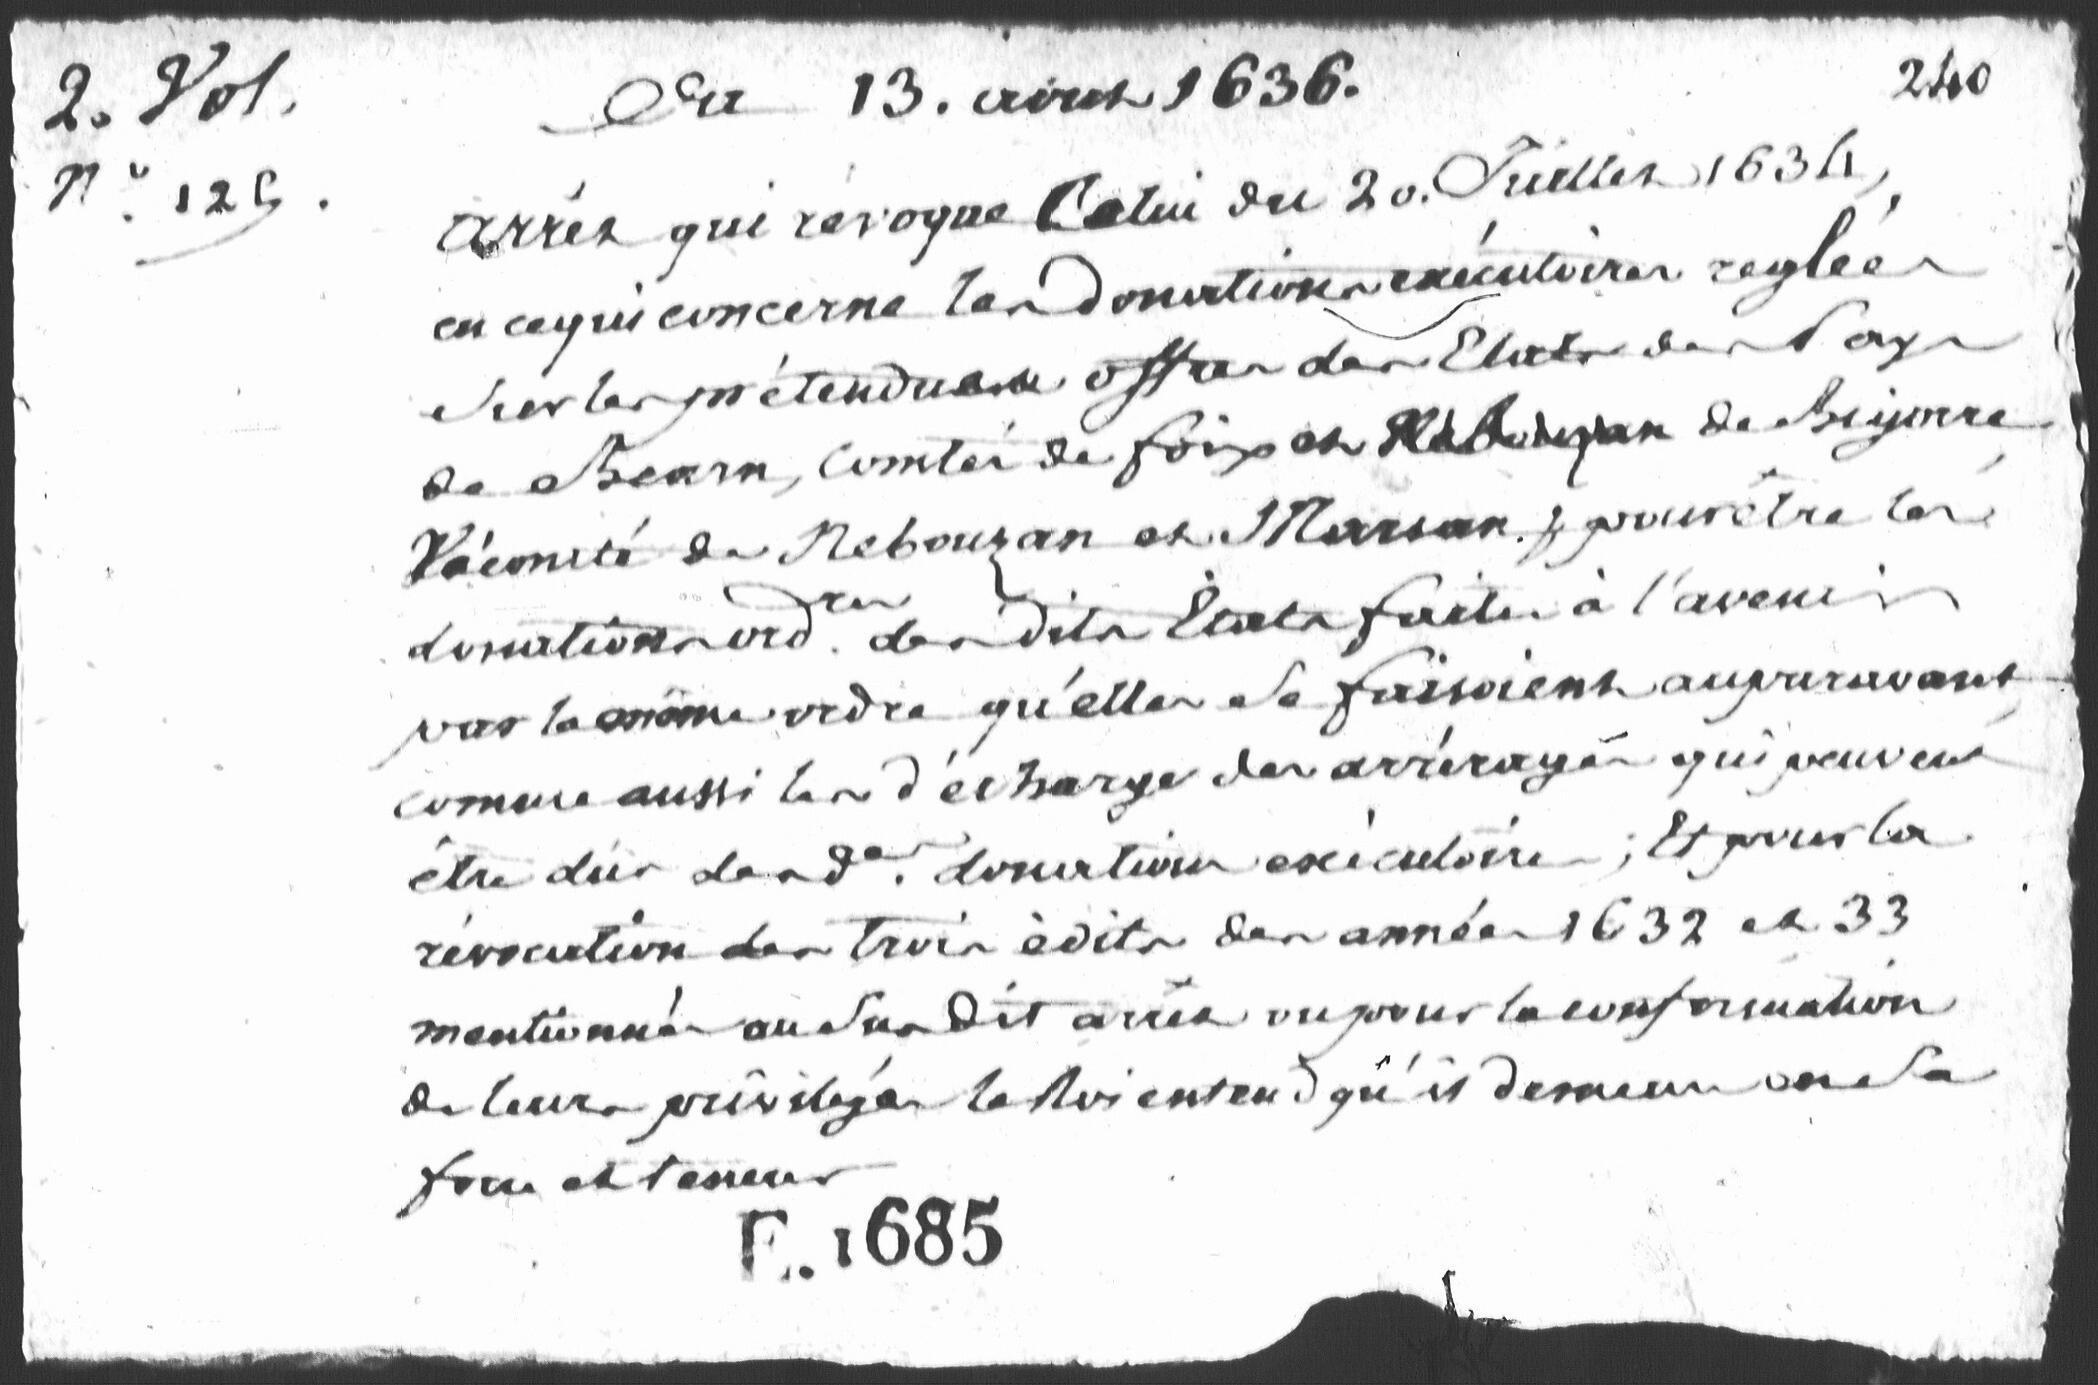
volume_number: n°125
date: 13 août 1636
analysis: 240
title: Arrêt qui révoque celui du 20. juillet 1634, en ce qui concerne les donations exécutoires reglées sur les prétendues offres des Etats des Pays de Bearn, comtés de Foix et [Nébouzan, mot barré] de Bigorre, vicomté de Nebouzan et Marsan, pour être les donations ord.res desdits Etats faites à l'avenir par le même ordre qu'elles se faisoient auparavant comme aussi les décharge des arrérages qui peuvent être dus desd.es donations exécutoires ; et pour la révocation des trois édits des années 1632 et 33 mentionnés au susdit arrêt ou pour la confirmation de leurs privilèges le Roi entend qu'il demeure en sa forme et teneur
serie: E
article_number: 1685
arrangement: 2. vol.
